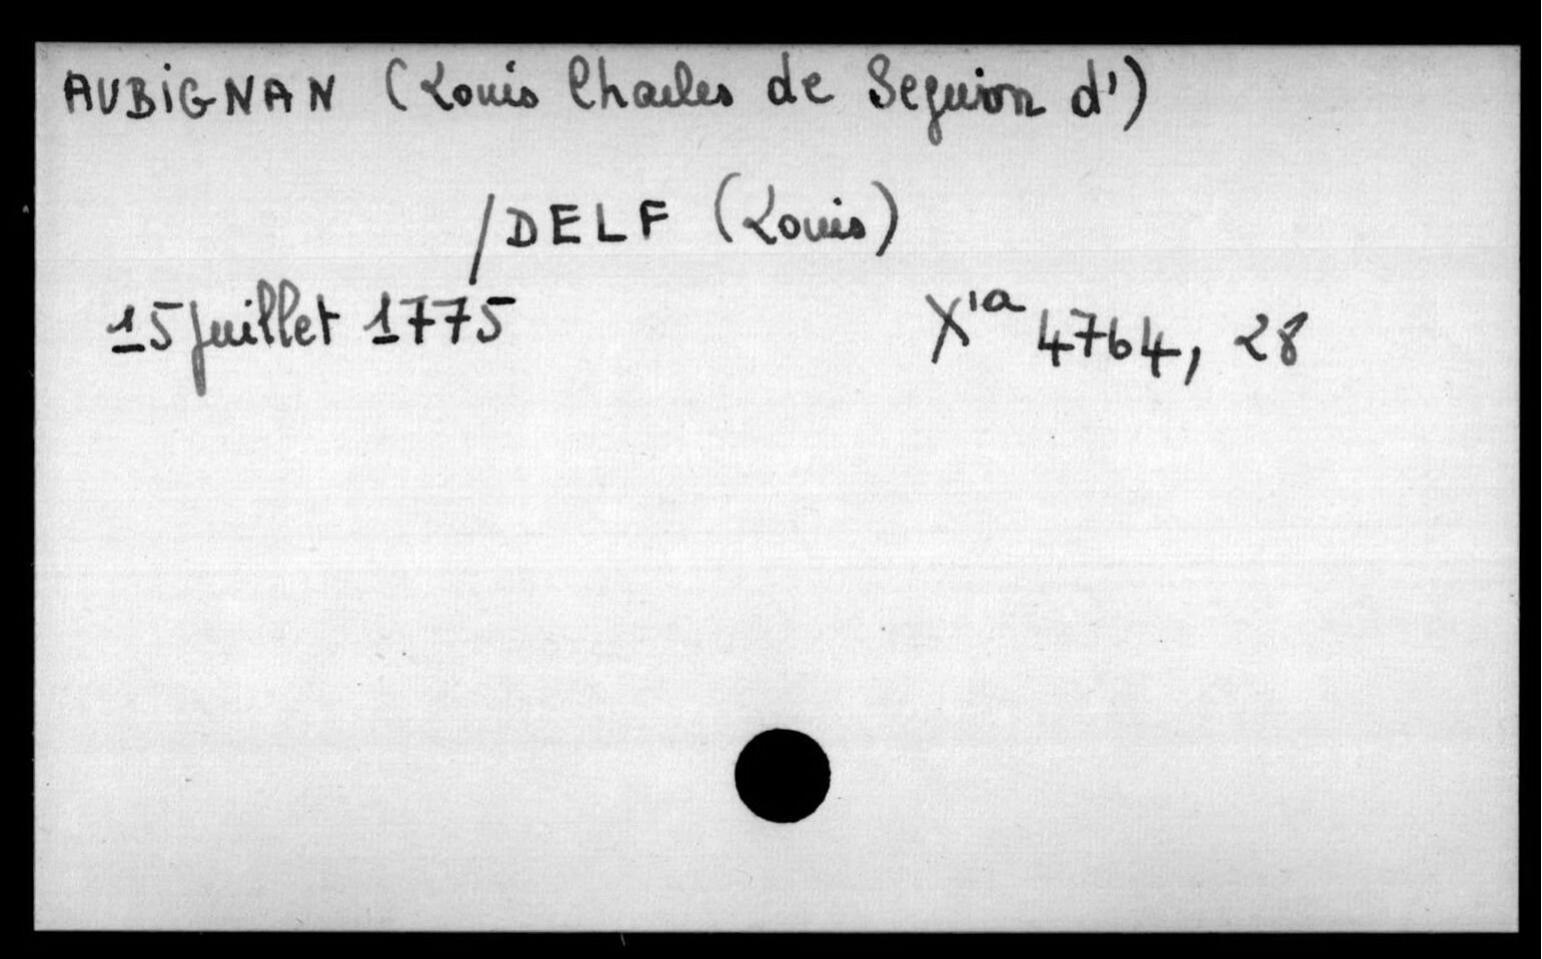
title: AUBIGNAN (Louis Charles de Seguion d')
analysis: Contre DELF (Louis)
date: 15 juillet 1775
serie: X1a
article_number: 4764
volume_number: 28
